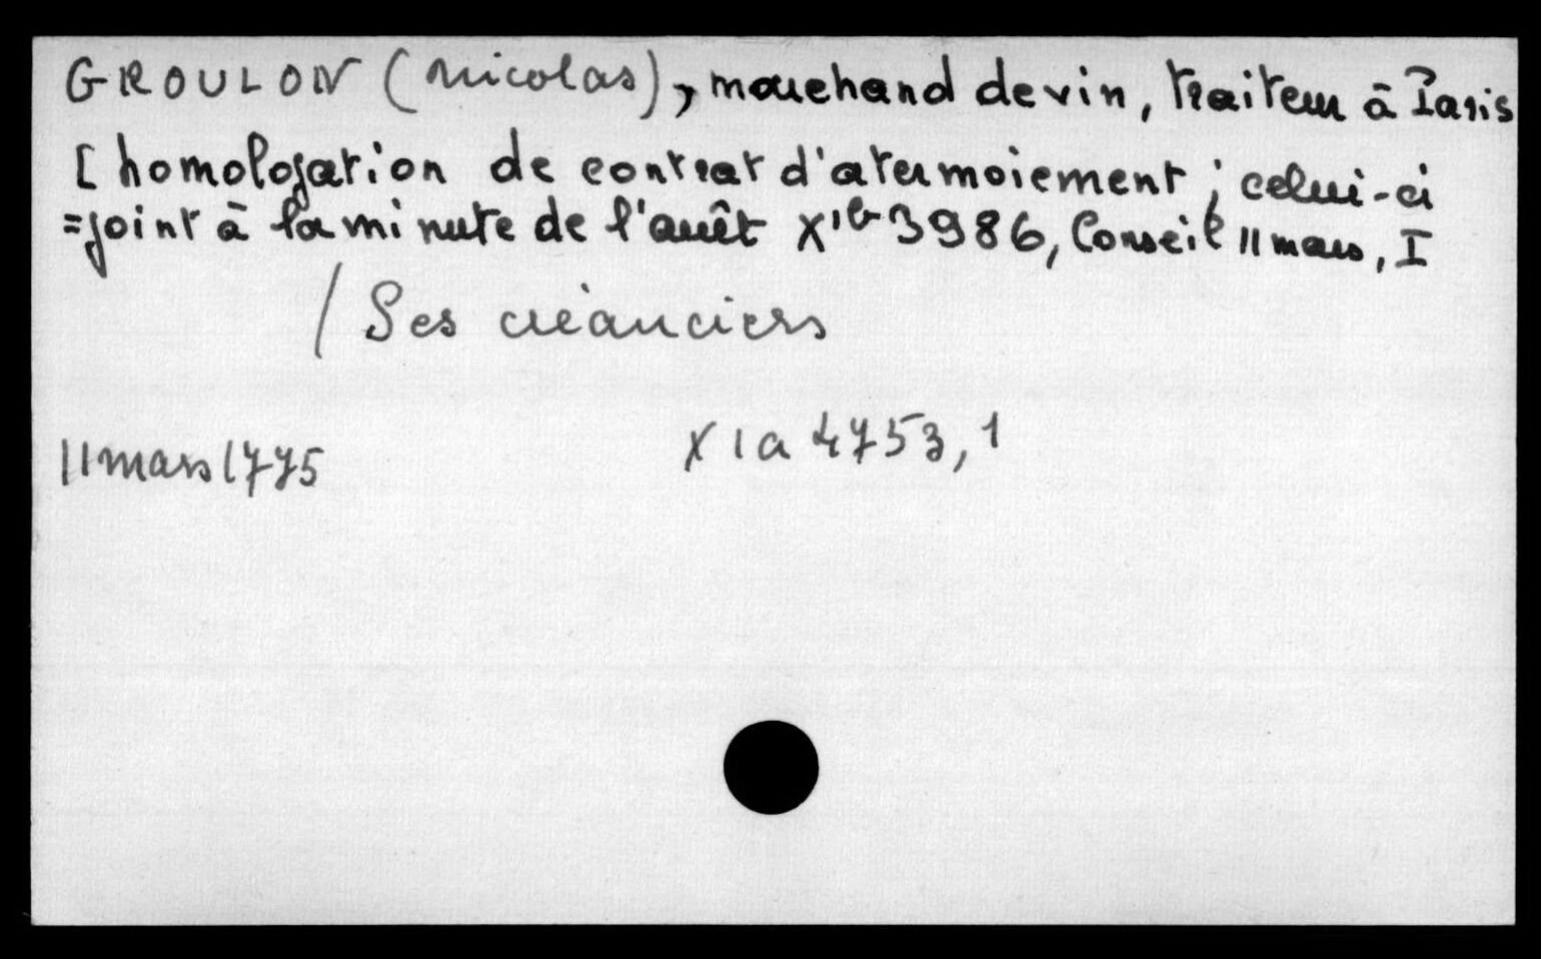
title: GROULON (Nicolas), marchand de vin, traiteur à Paris [homologation de contrat d'atermoiement ; celui-ci joint à la minute de l'arrêt X1b 3986, conseil, 11 mars, I]
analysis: Contre ses créanciers
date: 11 mars 1775
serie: X1a
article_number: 4753
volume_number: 1
